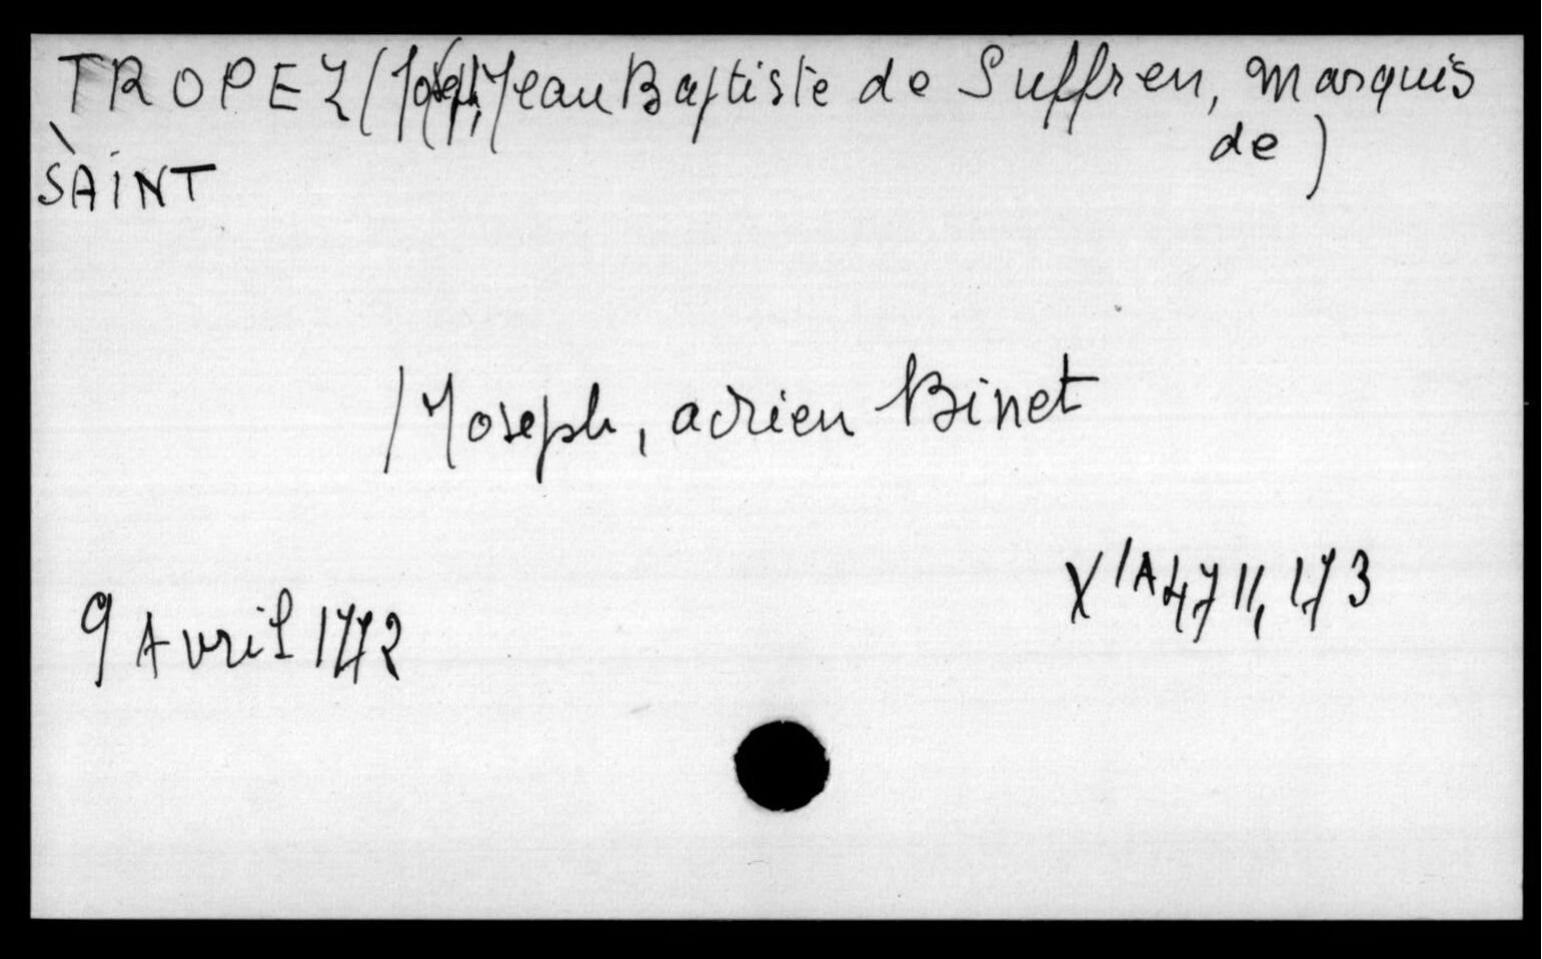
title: SAINT-TROPEZ (Joseph Jean Baptiste de Suffren, marquis de)
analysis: Contre Joseph, Adrien Binet
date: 9 avril 1772
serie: X1A
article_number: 4711
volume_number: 173
